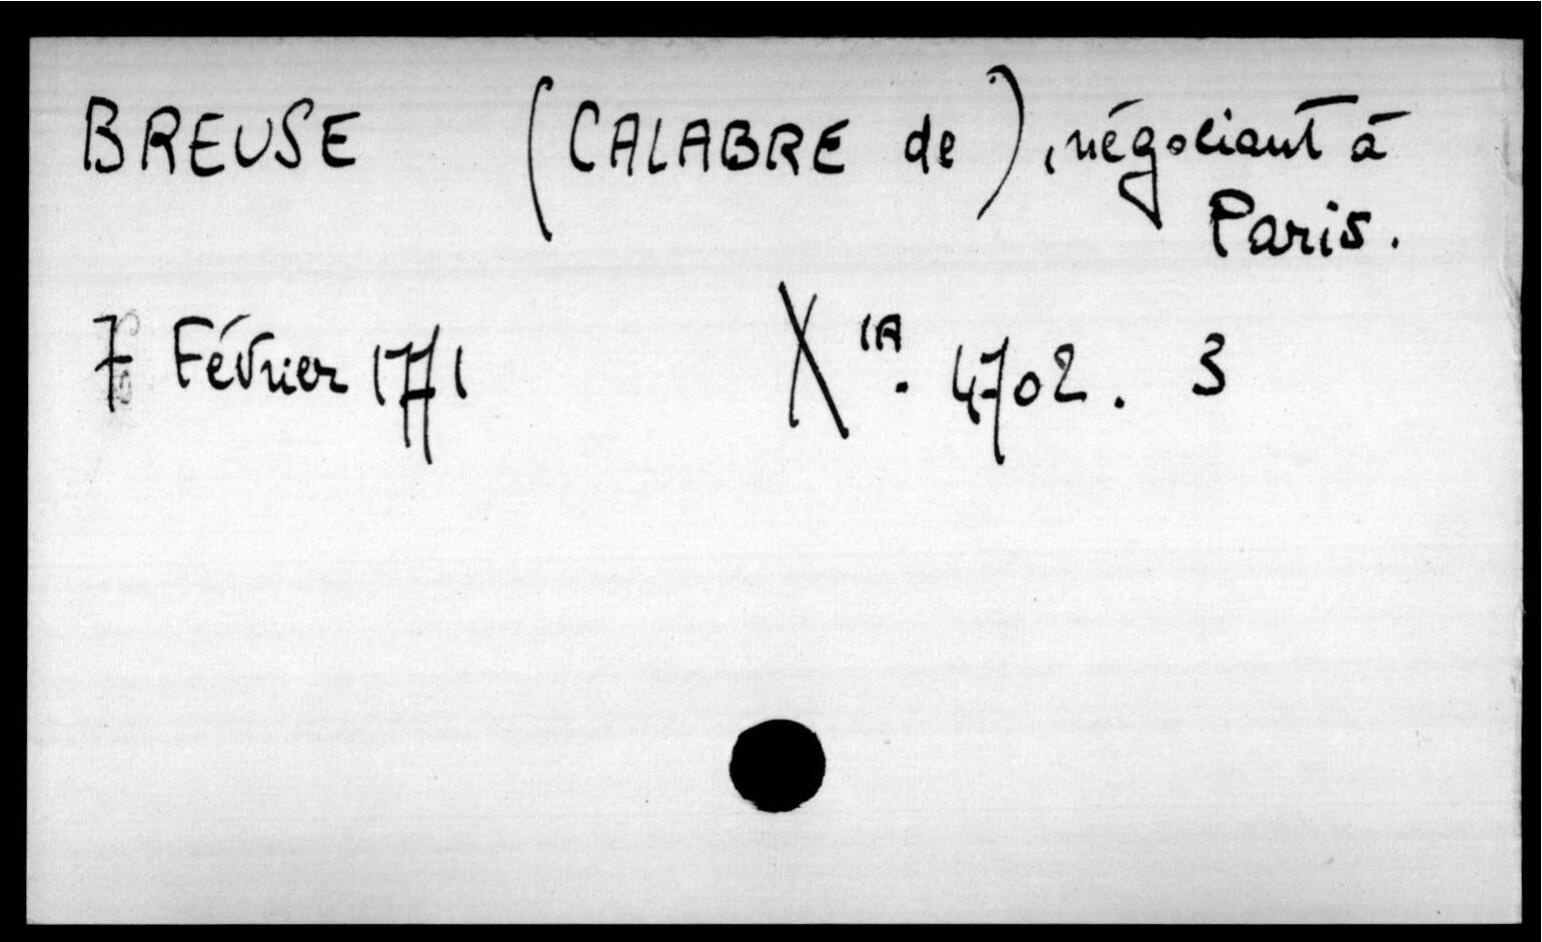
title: BREUSE (CALABRE de), négociant à Paris.
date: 7 février 1771
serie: X1A
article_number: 4702
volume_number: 3
